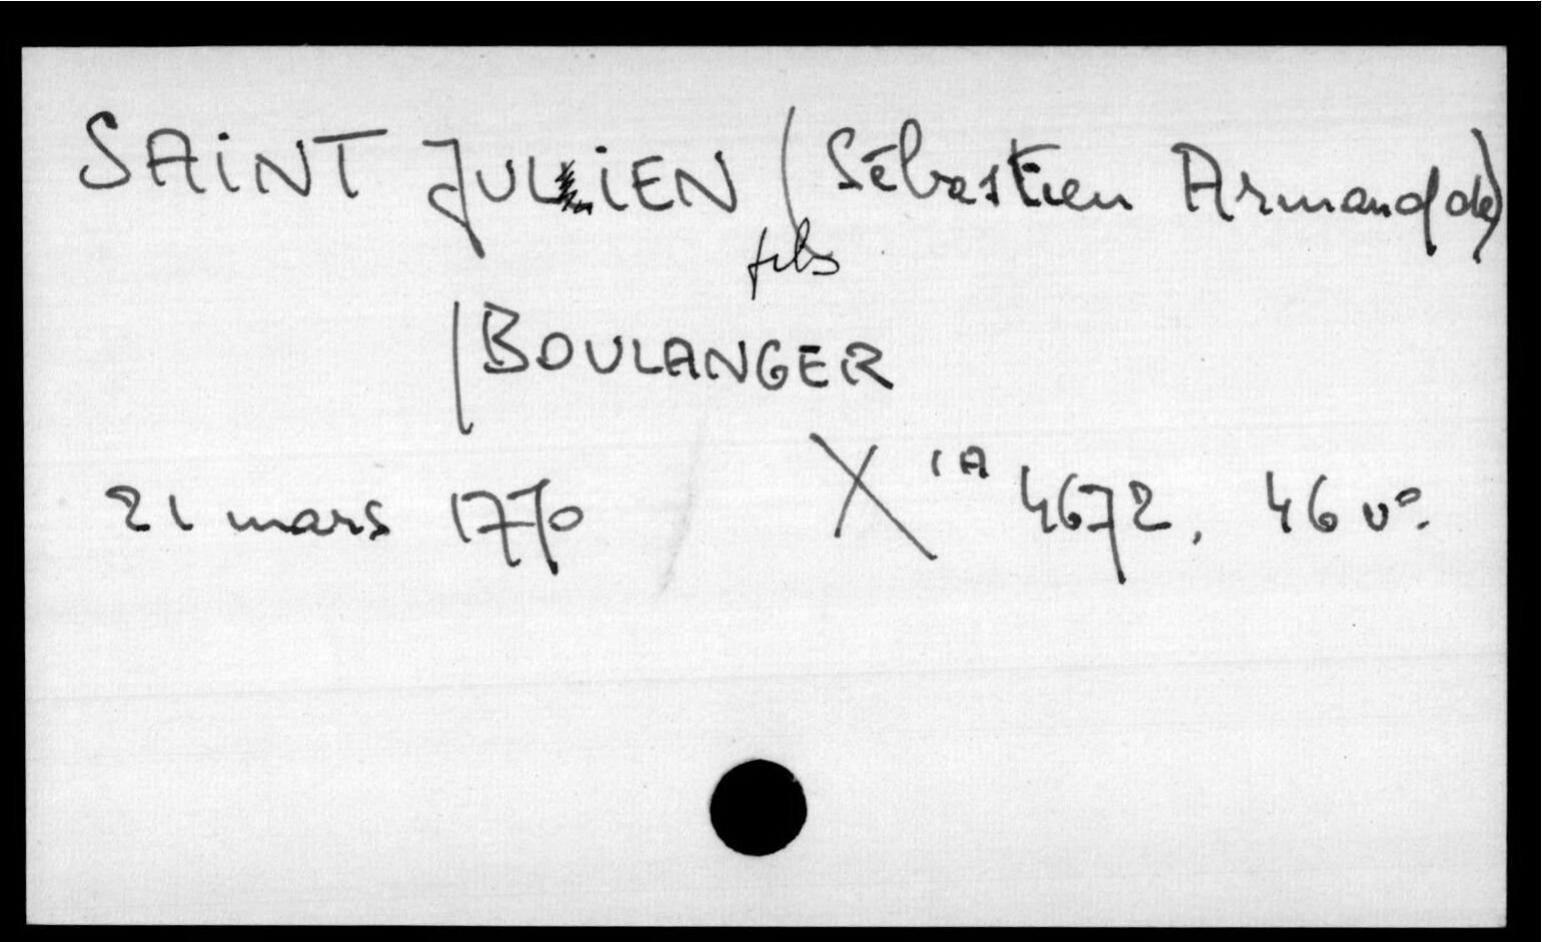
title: SAINT Jullien (Sébastien Armand de) fils
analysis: Contre BOULANGER
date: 21 mars 1770
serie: X1A
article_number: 4672
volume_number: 46v
